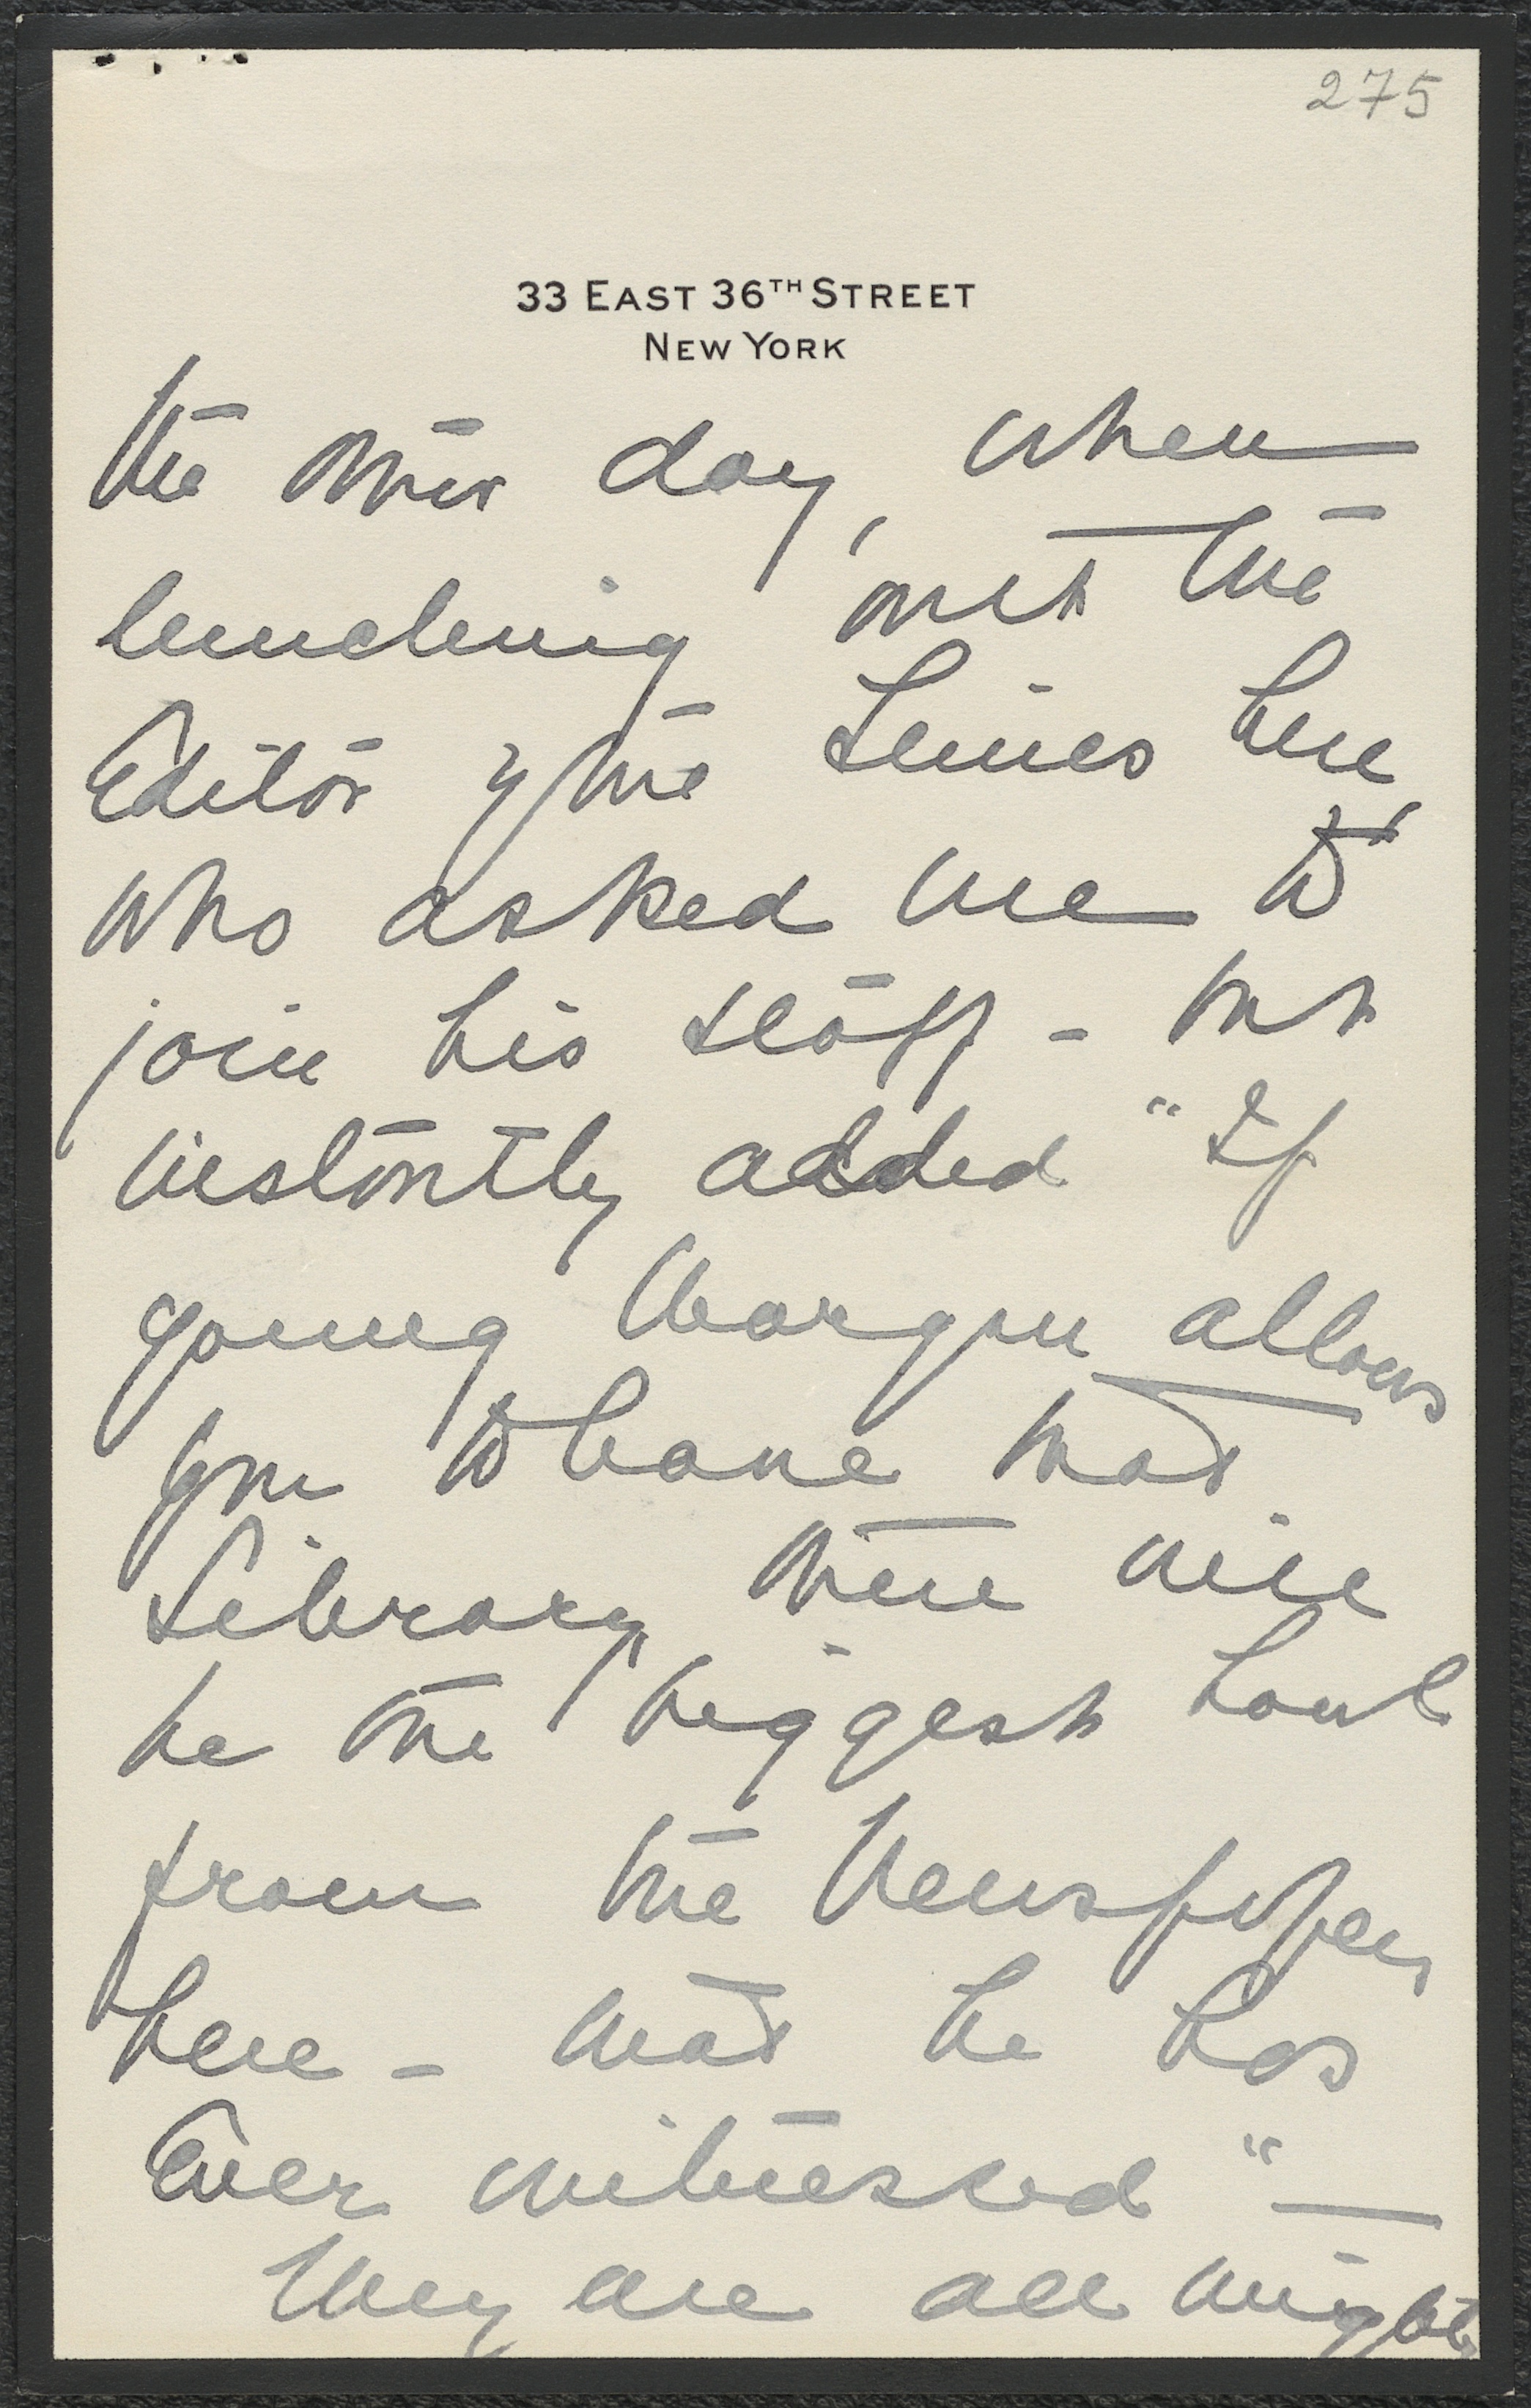the other day, when lunching with the Editor of the Times here, who asked me to join his staff – but instantly added “If young Morgan allows you to leave that Library, there will be the biggest haul from the Newspaper here – that he has ever witnessed” –
They are all mighty